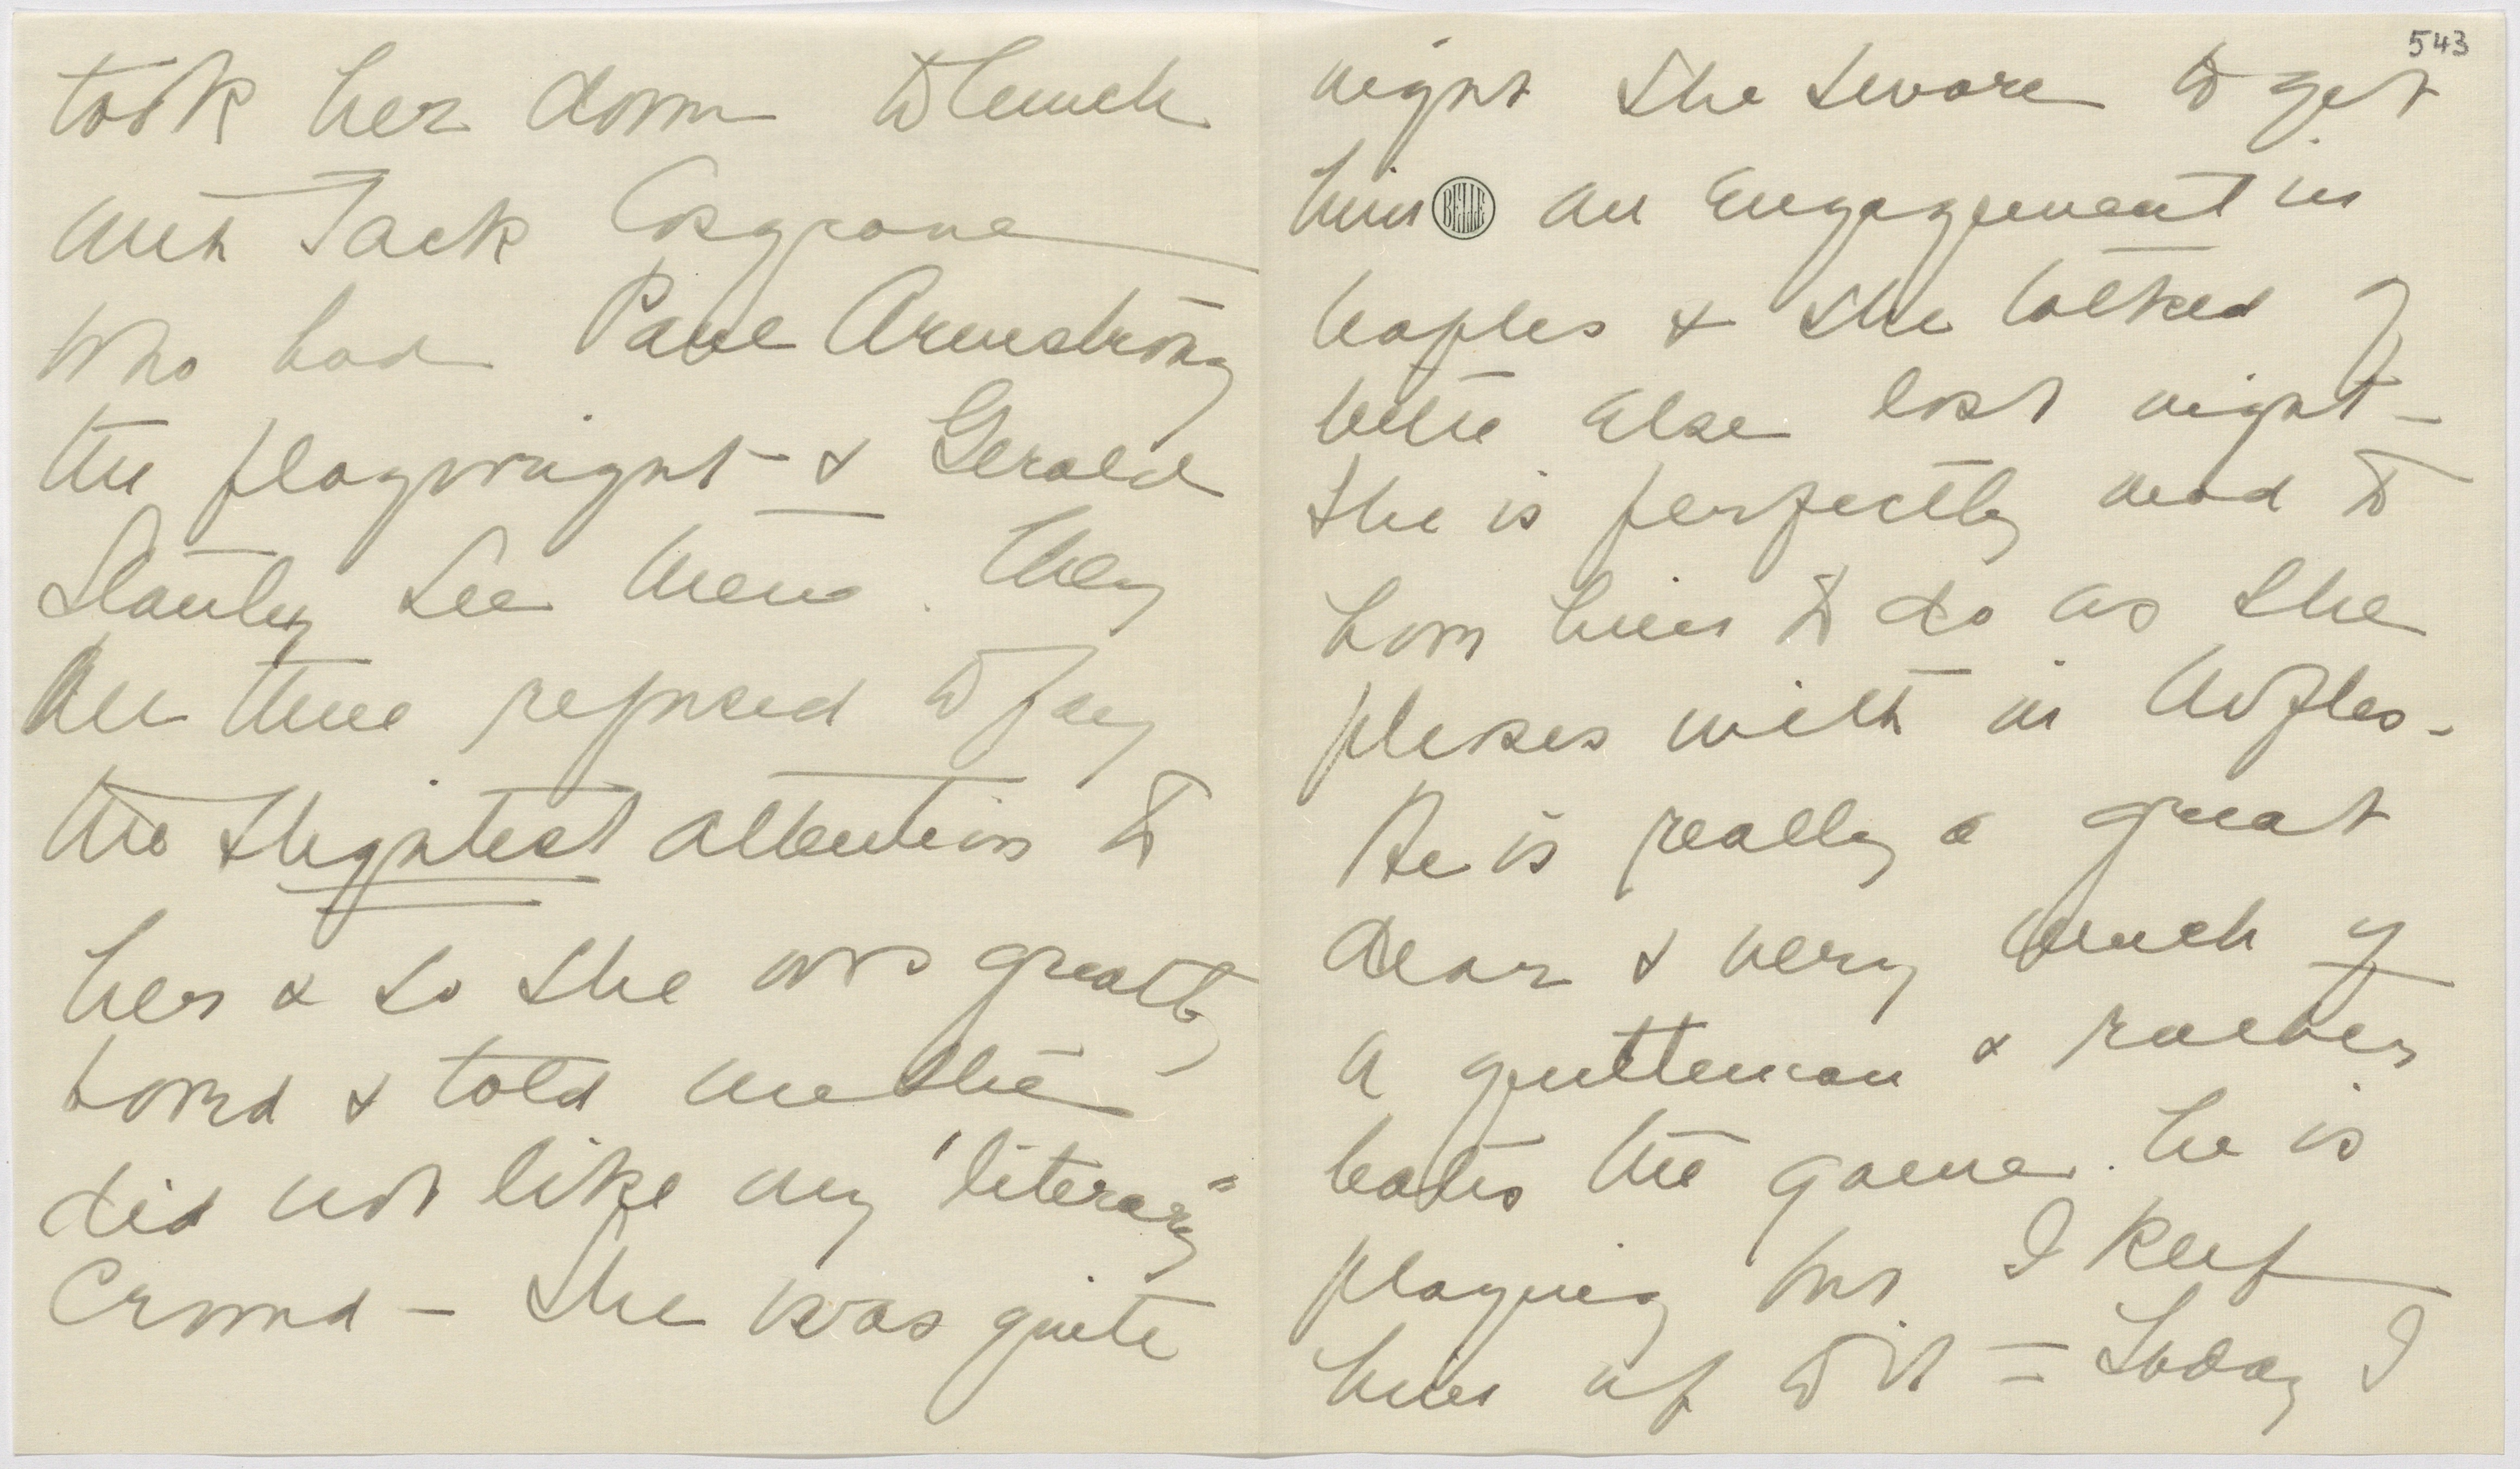night she swore to get him an engagement in Naples & she talked of little else last night – She is perfectly mad to have him & do as she pleases with in Naples – He is really a great dear & very much of a gentleman & rather beats the game. He is playing but I keep him up to it – Today I
took her down to lunch with Jack Cosgrave who had Paul Armstrong the playwright & Gerald Stanley see them. They all three refused to pay the slightest attention to her & so she was greatly bored & told me she did not like my “literary” crowd – She was quite